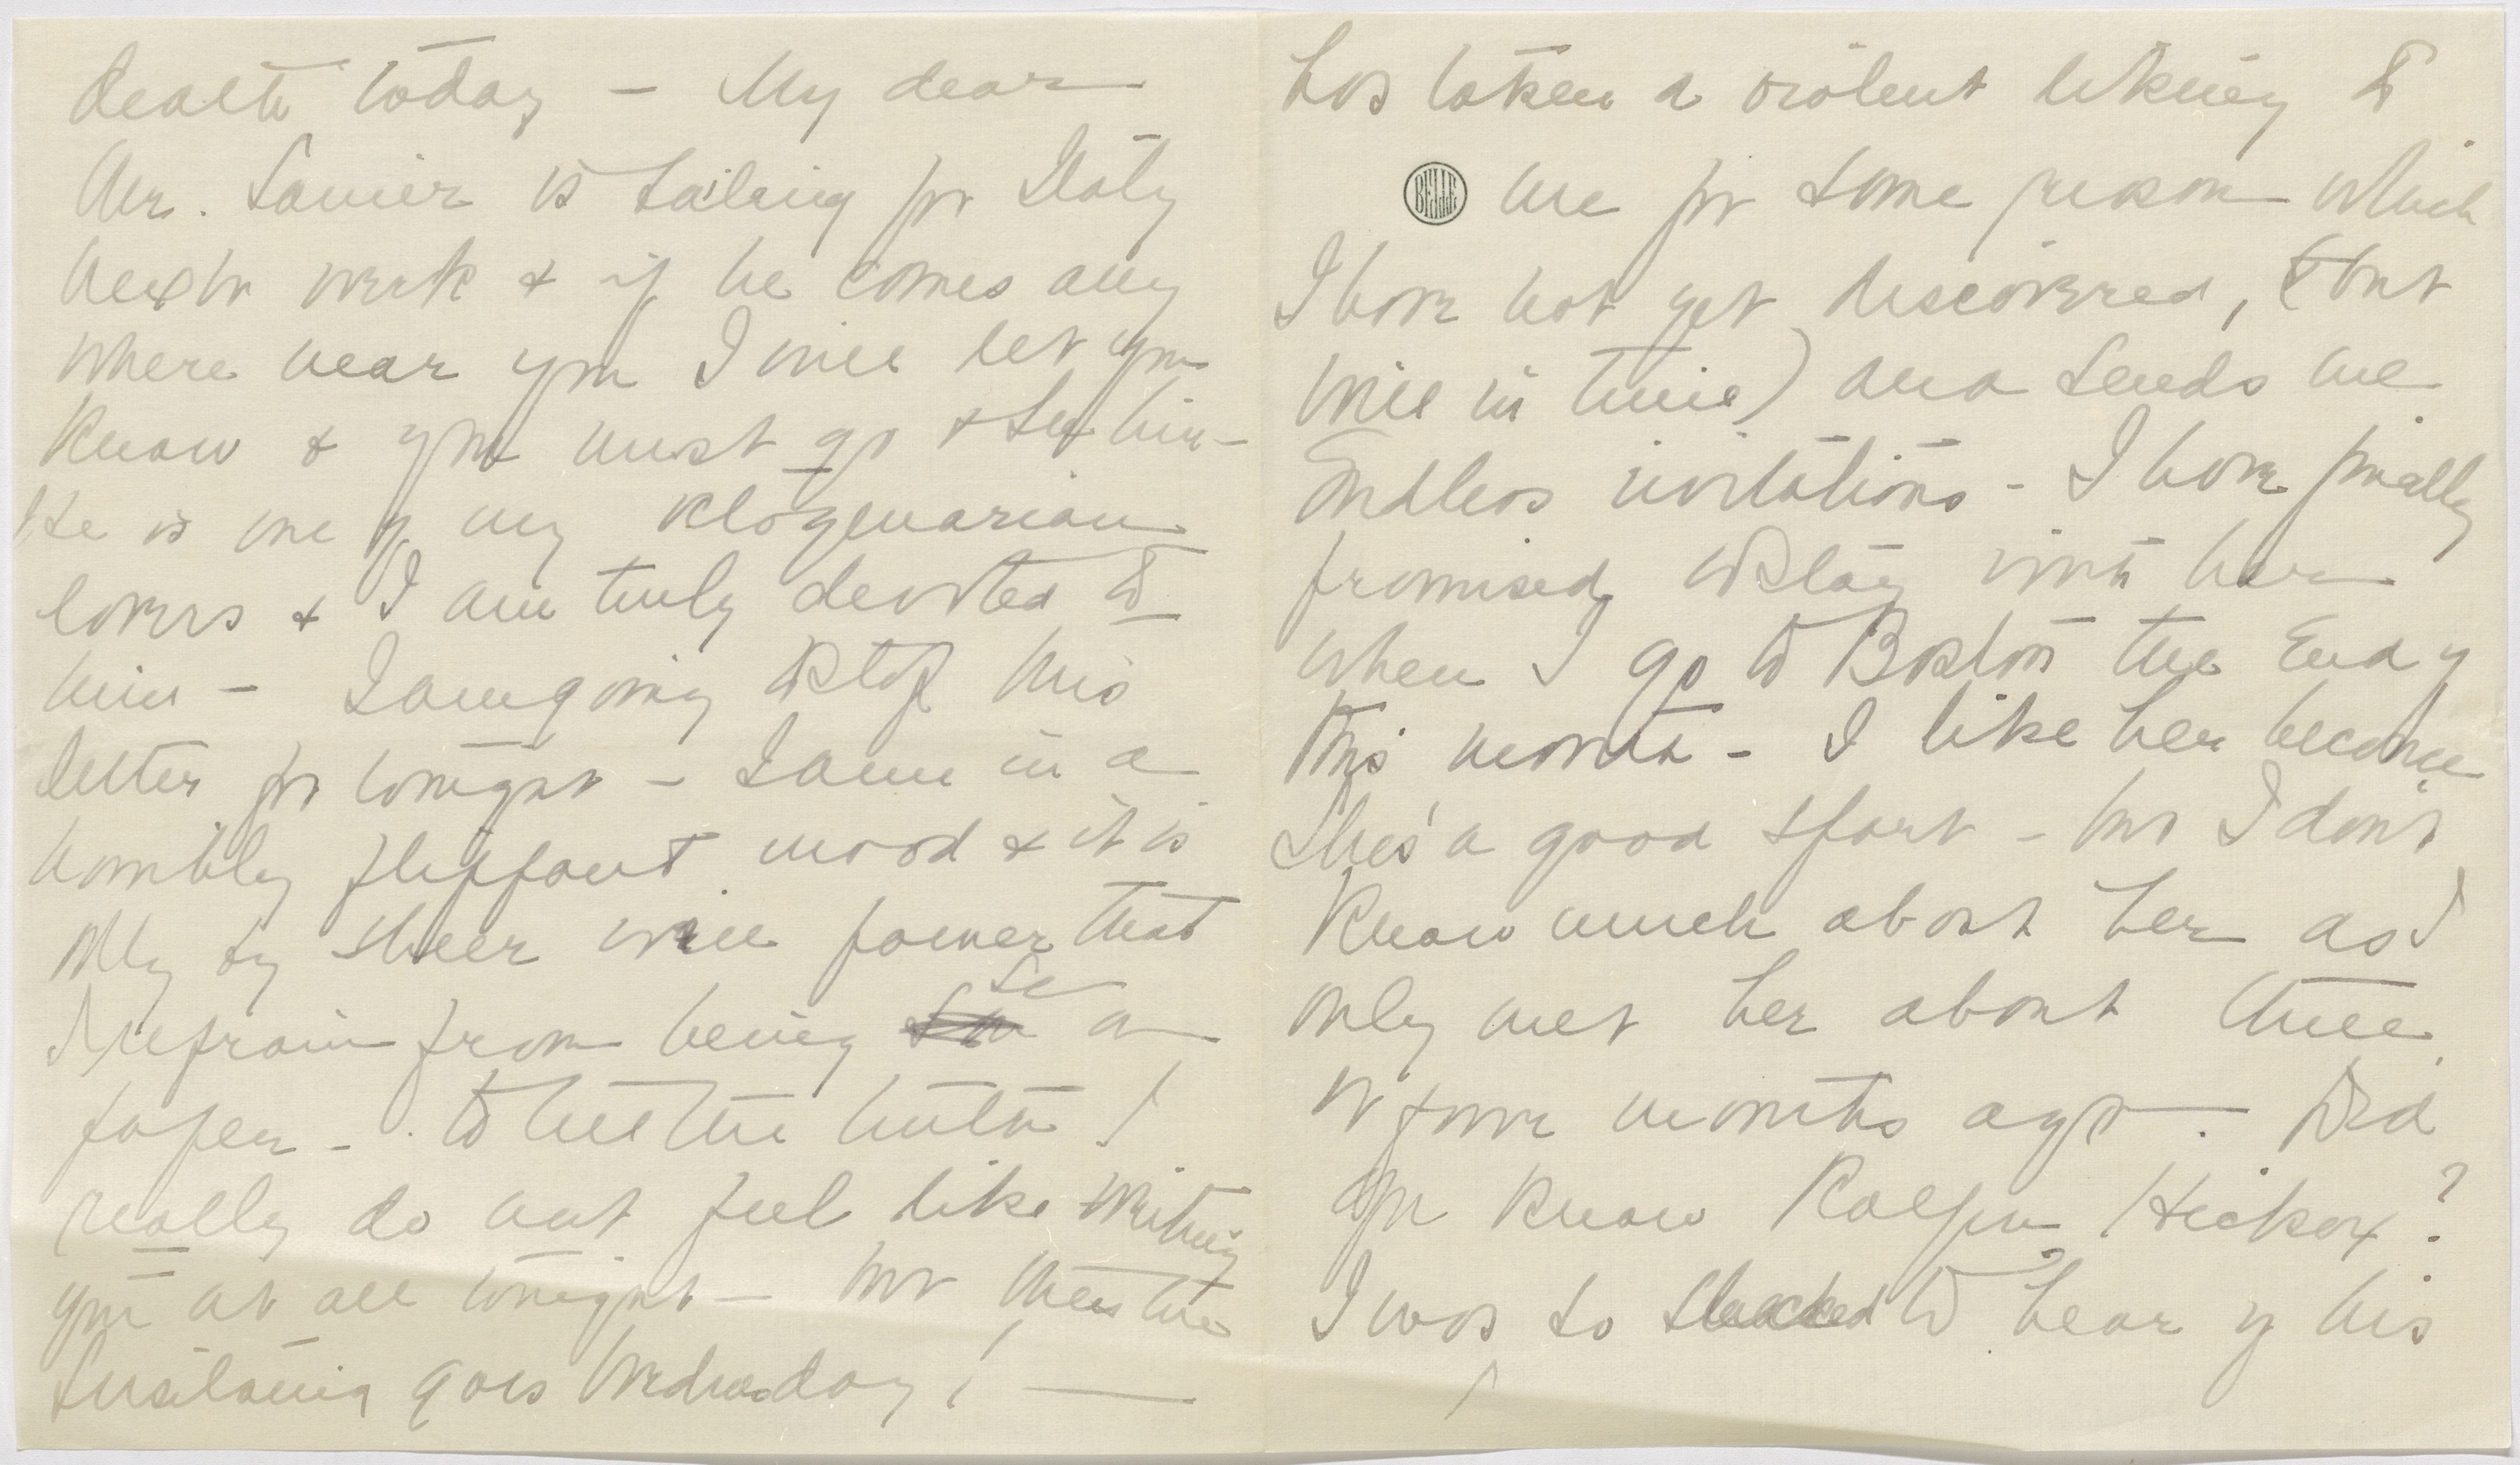has taken a violent liking to me for some reason which I have not yet discovered, (but will in time) and sends me Endless invitations – I have finally promised to stay with her when I go to Boston the end of this month – I like her because She’s a good sport – but I don’t know much about her as I only met her about three or four months ago. Did you know Ralph Hickox? I was so shocked to hear of his
death today – My dear Mr. Lanier is sailing for Italy next week & if he comes any where near you I will let you know & you must go & see him – He is one of my octogenarian lovers & I am truly devoted to him – I am going to stop this letter for tonight – I am in a horribly flippant mood & it is only by sheer will power that I refrain from being sw [^so^] a paper – to tell the truth I [double underlined: really] do not feel like writing you at all tonight – but then the Lusitania goes Wednesday! –